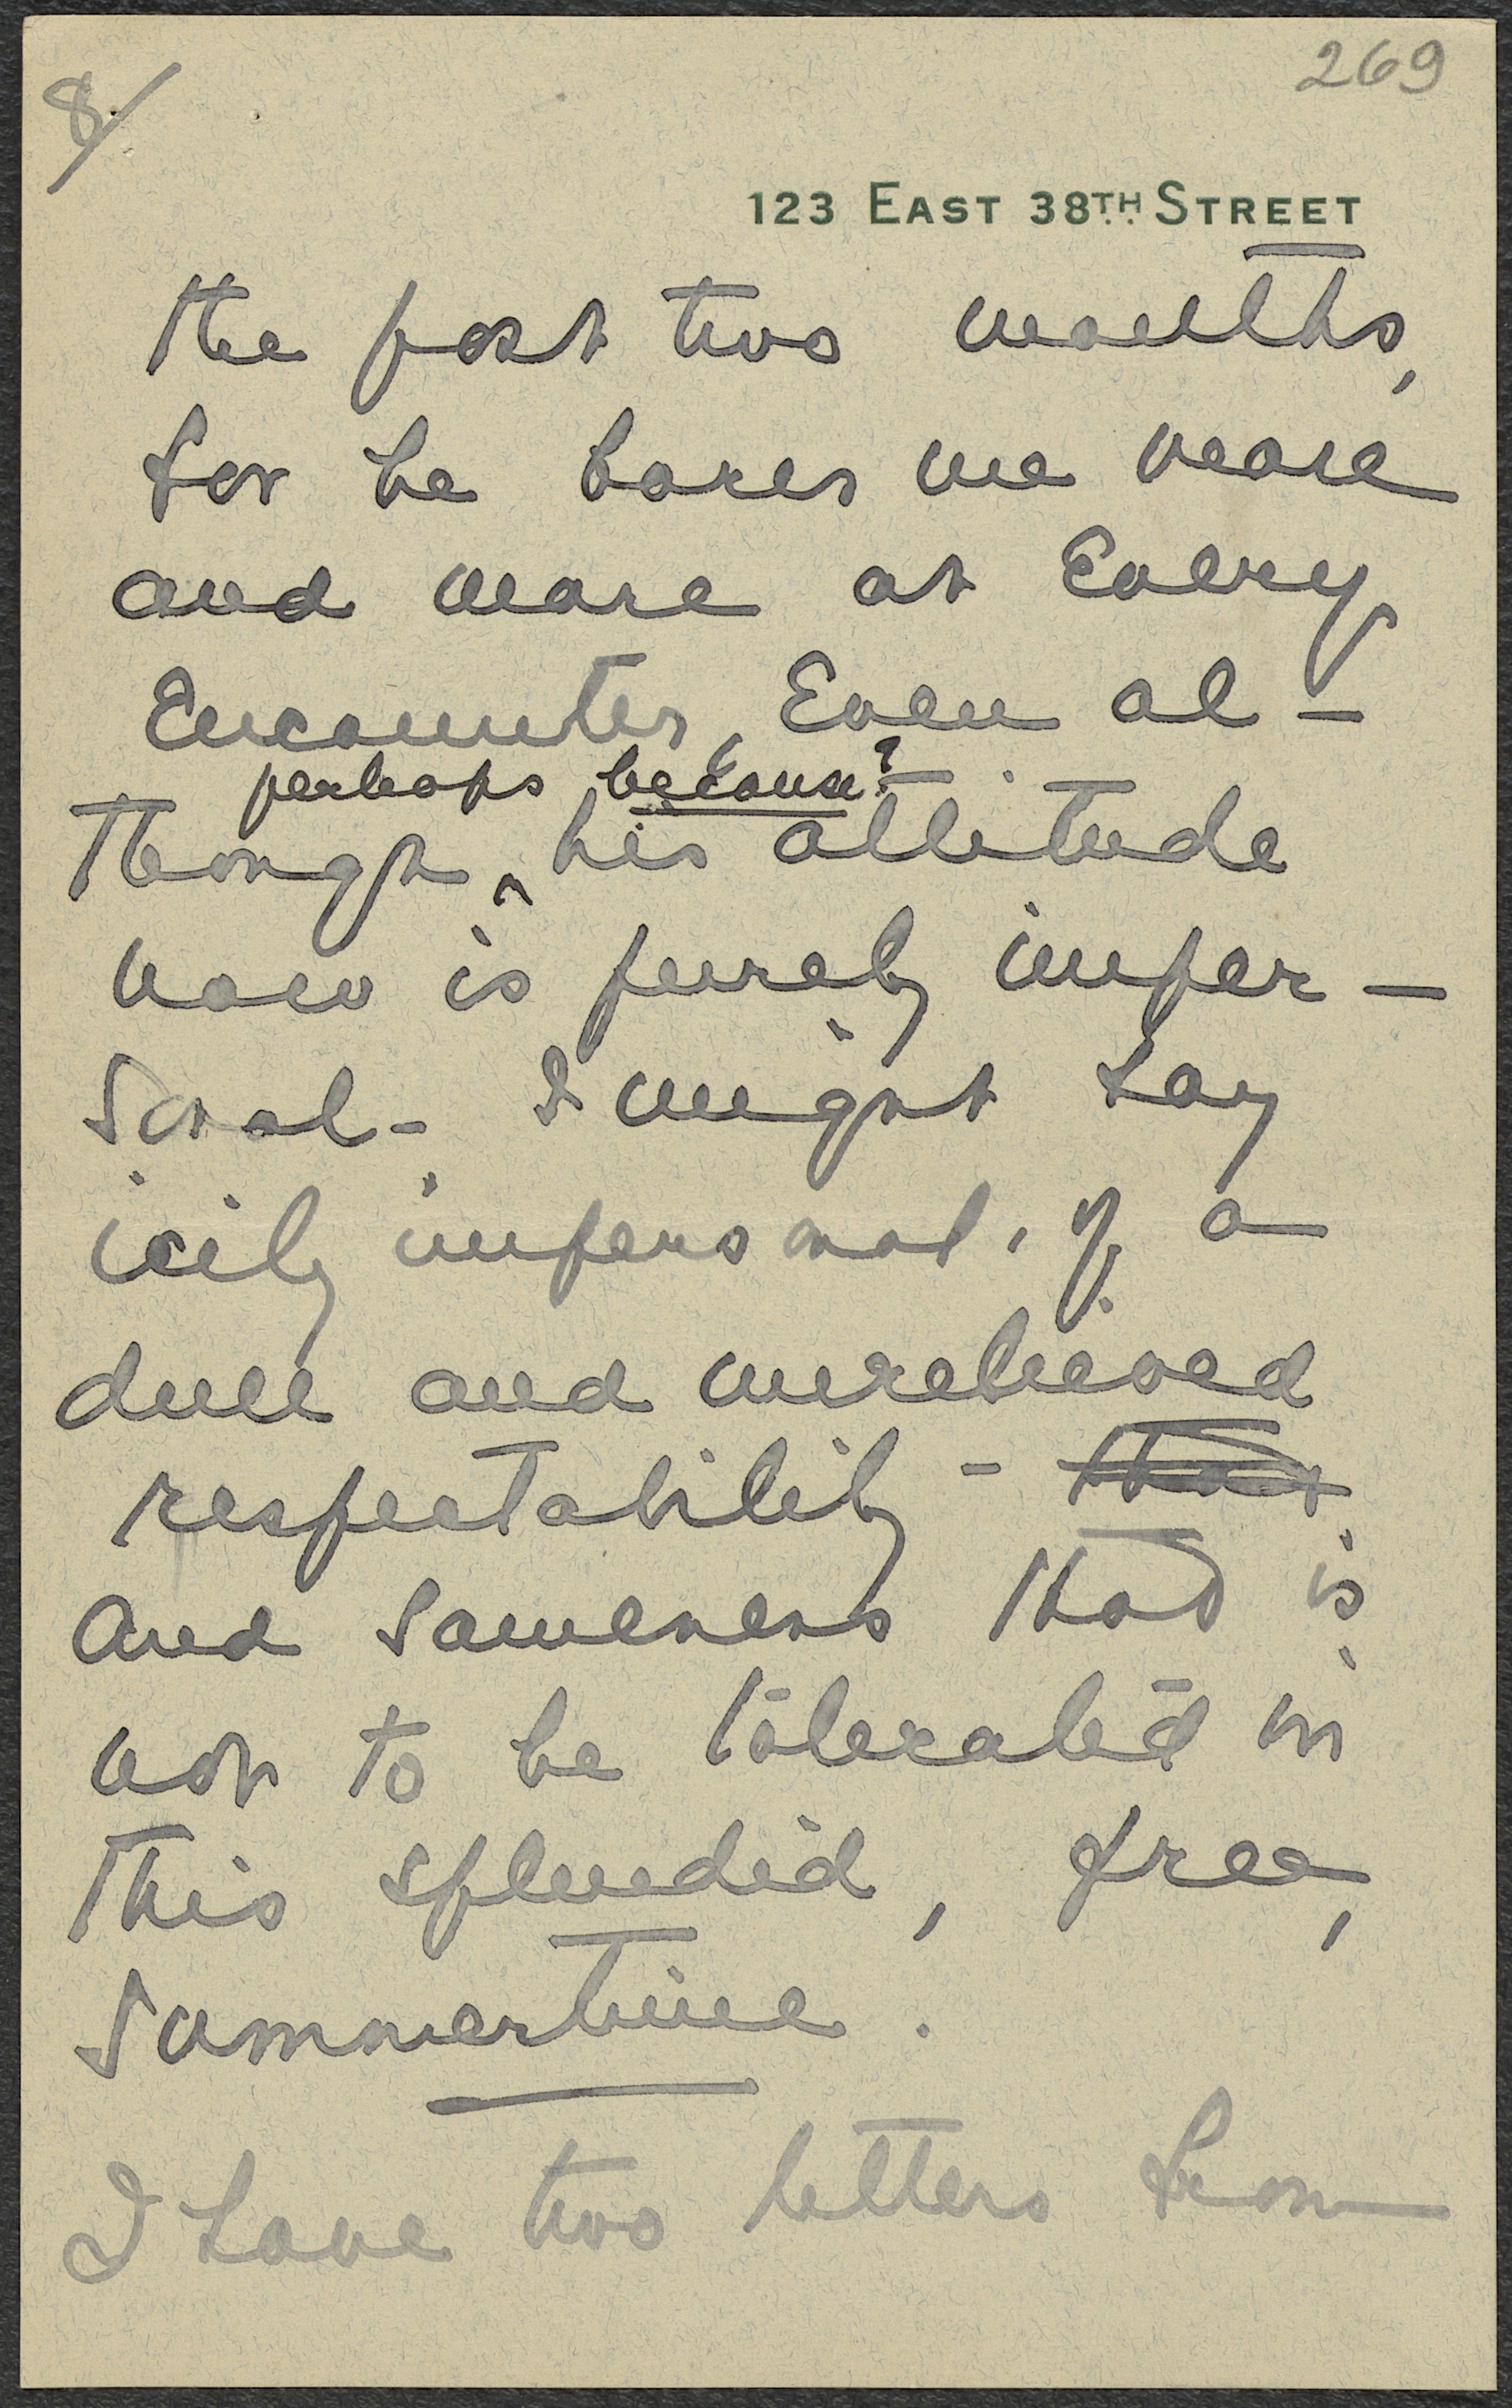8/
the past two months, for he bores me more and more at every encounter even although [^perhaps because?^] his attitude now is purely impersonal – I might say icily impersonal, of a dull and unrelieved respectability – that and sameness that is not to be tolerated in this splendid, free, summertime.
I have two letters from